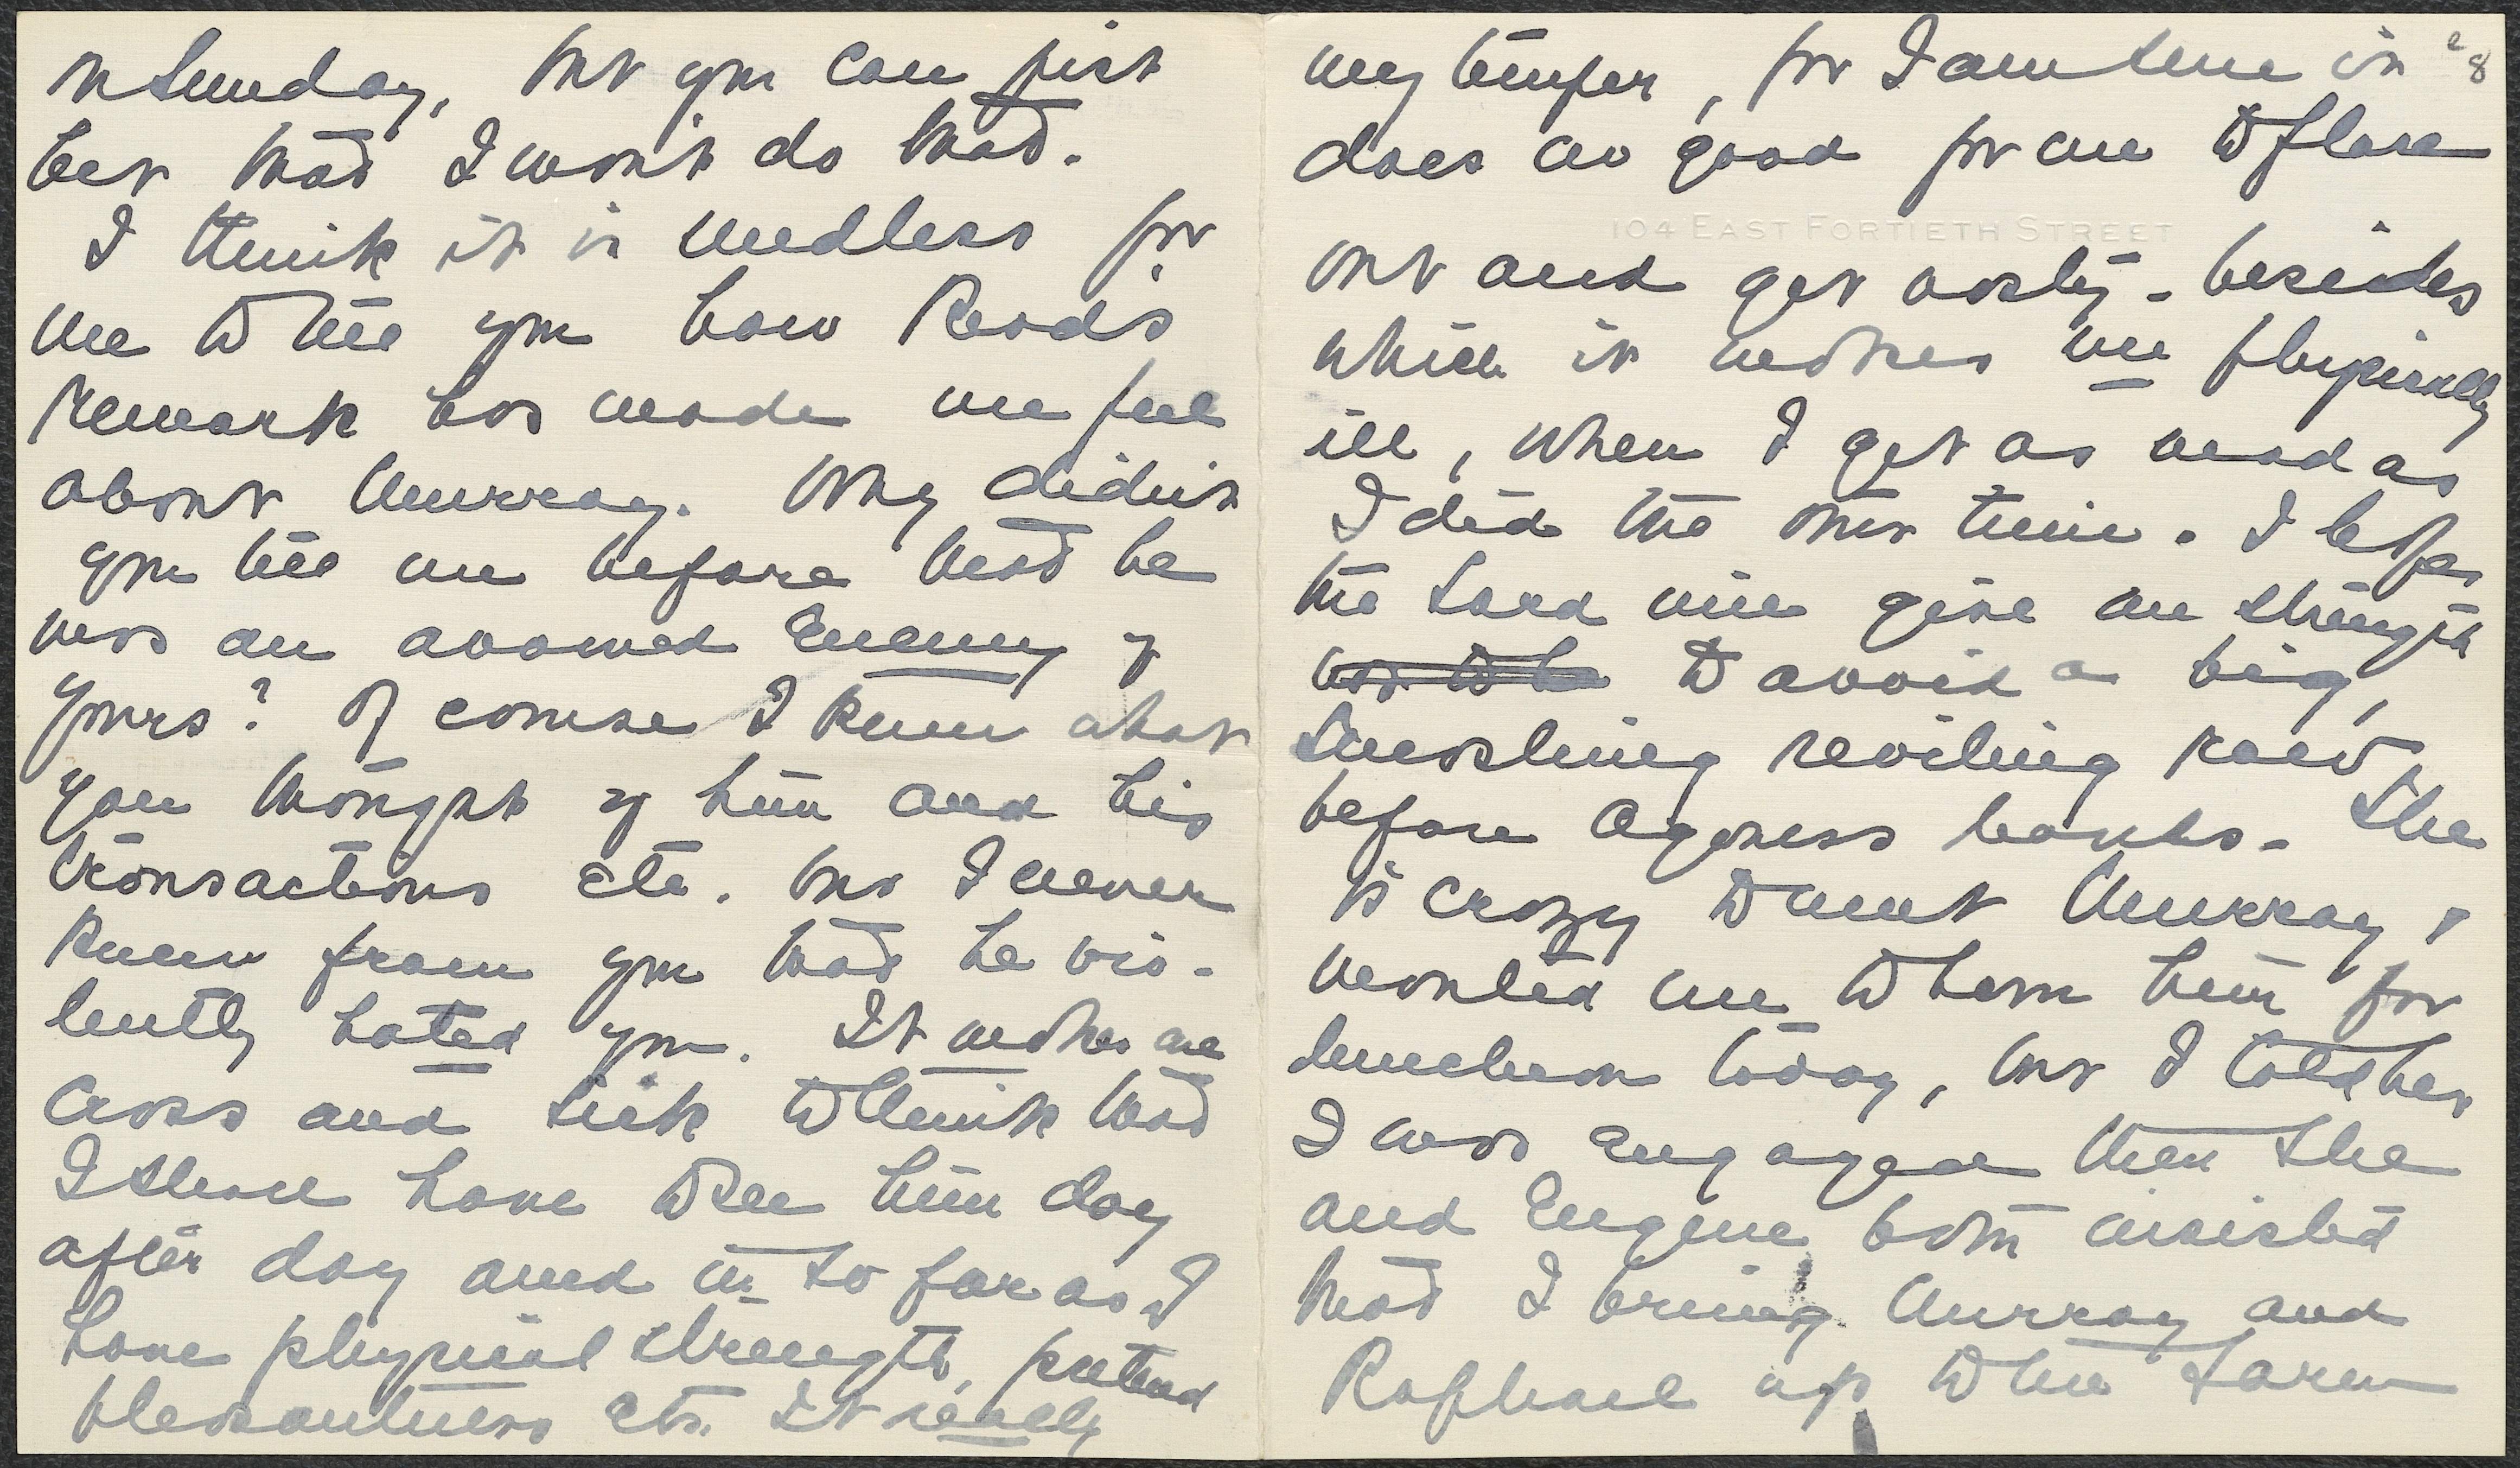my temper, for I am sure it does no good for me to flare out and get nasty – besides which it makes me physically ill, when I get as mad as I did the other time, I hope the Lord will give me strength not to be to avoid a big, smashing reviling row before Agoness leaves – She is crazy to meet Murray & wanted me to have him for luncheon today, but I told her I was engaged then she and Eugene both insisted that I bring Murray and Raphael up to the Farm
on Sunday, but you can just bet that I won't do that.
I think it is needless for me to tell you how Read's remark has made me feel about Murray. Why didn't you tell me before that he was an avowed enemy of yours? Of course I knew what you thought of him and his transactions etc. but I never knew from you that he violently hated you. It makes me cross and sick to think that I shall have to see him day after day and in so far as I have physical strength, pretend pleasantries etc. It really